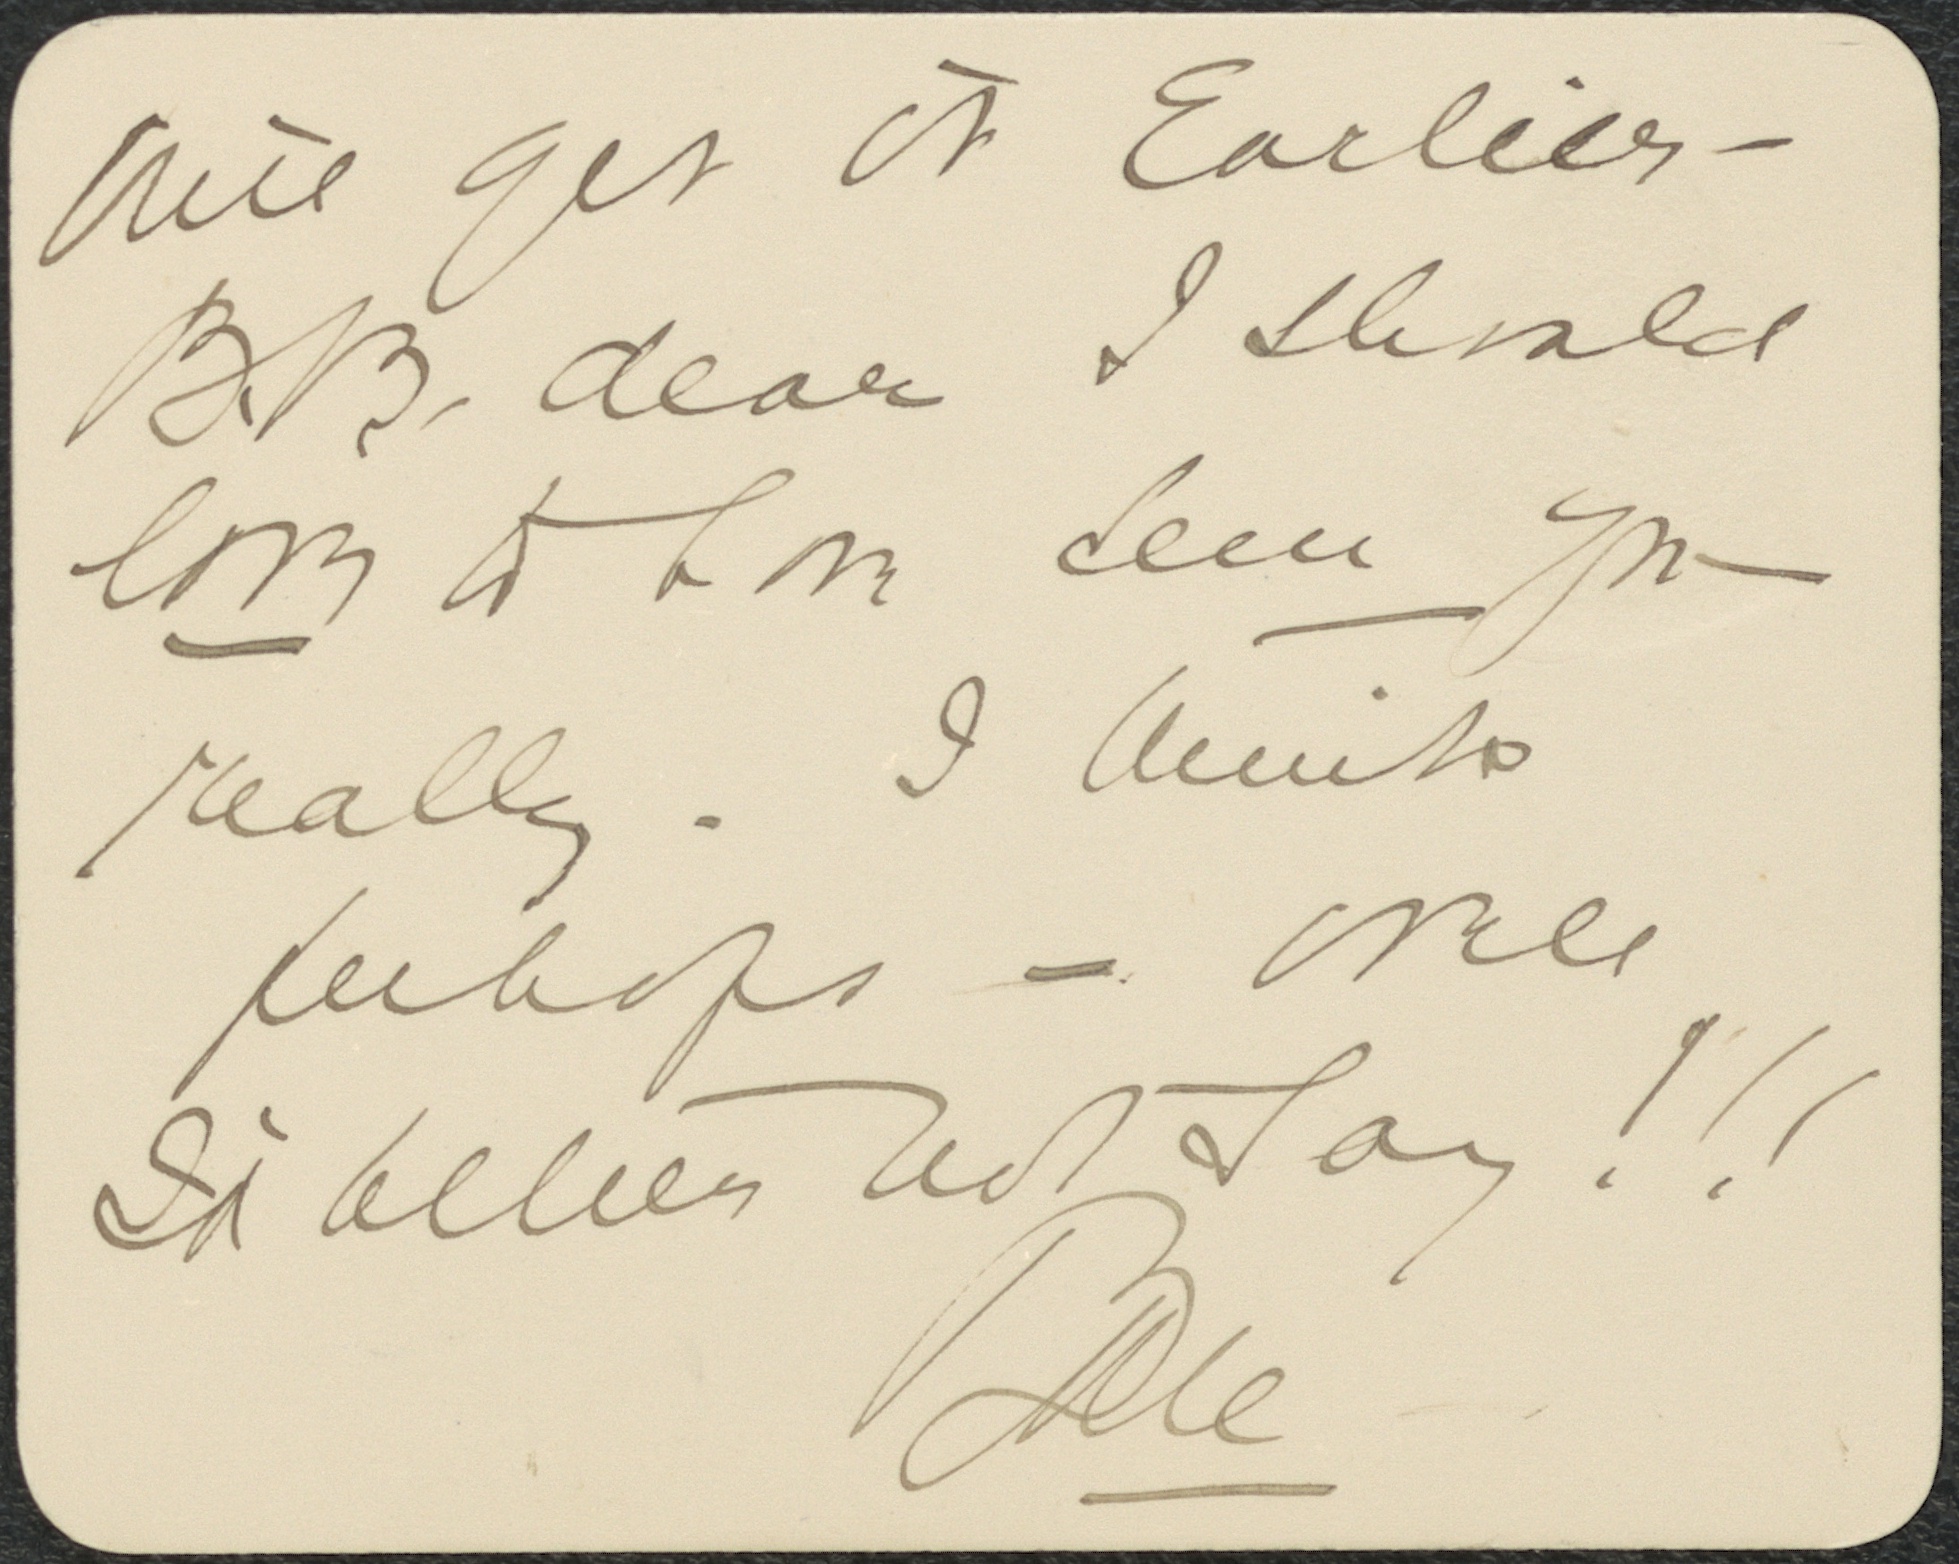will get it earlier – B. B. dear I should love to have seen you – really. I think perhaps – well I’d better not say!!!
Belle